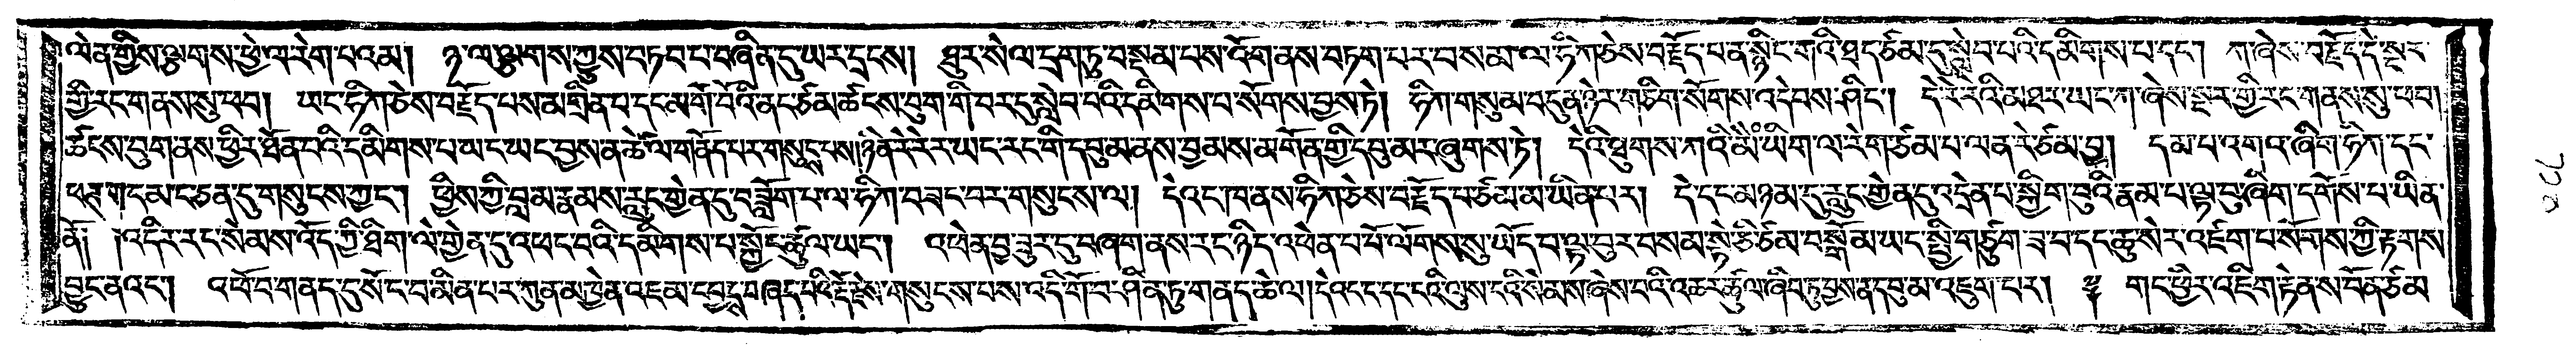ལེན་གྱིས་རྩགས་ཕྱེ་ལ་རེག་པའམ། ཉ་ལ་ལྕགས་ཀྱུས་བཏབ་པ་བཞིན་དུ་ཡར་དྲངས། ཐུར་སེལ་དྲག་ཏུ་བསྡམ་པས་འོག་ནས་བཏག་པར་བསམ་ལ་ཧི་ཀ་ཅེས་བརྗོད་པ་ན་སྙིང་གའི་ཐད་ཙམ་དུ་སླེབ་པའི་དམིགས་པ་དང་། ཀ་ཞེས་བརྗོད་དེ་སྔར་
གྱི་རང་གནས་སུ་ཕབ། ཡང་ཧི་ཀ་ཅེས་བརྗོད་པས་མགྲིན་པ་དང་མགོ་བོའི་ནང་ཙམ་ཚངས་བུག་གི་བར་དུ་སླེབ་པའི་དམིགས་པ་སོགས་བྱས་ཏེ། ཧི་ཀ་གསུམ་བདུན་ཉེར་གཅིག་སོགས་འདེབས་ཤིང་། དེ་རེ་རེའི་མཐར་ཡང་ཀ་ཞེས་སྔར་གྱི་རང་གནས་སུ་ཕབ།
ཚངས་བུག་ནས་ཕྱིར་ཐོན་པའི་དམིགས་པ་ཡང་ཡང་བྱས་ན་ཚེ་ལ་གནོད་པར་གསུངས་པས། ཉིན་རེ་རེར་ཡང་རང་གི་དབུ་མ་ནས་བྱམས་མགོན་གྱི་དབུ་མར་ཞུགས་ཏེ། དེའི་ཐུགས་ཀའི་མཻཾ་ཡིག་ལ་རེག་ཙམ་པ་ལ་ན་རེ་ཙམ་བྱ། དམ་པ་འགའ་ཞིག་ཧི་ཀ་དང་
ཕཌ་གདམ་པ་ཅན་དུ་གསུངས་ཀྱང་། ཕྱིས་ཀྱི་བླ་མ་རྣམས་རླུང་གྱེན་དུ་བཟློག་པ་ལ་ཧིཀ་བཟང་བར་གསུངས་ལ། དེའང་ཁ་ནས་ཧིཀ་ཅེས་བརྗོད་པ་ཙམ་མ་ཡིན་པར། དེ་དང་མཉམ་དུ་རླུང་གྱེན་དུ་འདྲེན་པ་སྐྱིག་བུའི་རྣམ་པ་ལྟ་བུ་ཞིག་དགོས་པ་ཡིན་
ནོ༑ །འདིར་རང་སེམས་འོད་ཀྱི་ཐིག་ལེ་གྱེན་དུ་འཕང་བའི་དམིགས་པ་སྐྱོང་ཚུལ་ཡང་། འཕན་བྱ་ཟུར་དུ་བཞག་ནས་རང་ཉིད་འཕེན་པ་པོ་ལོགས་སུ་ཡོད་པ་ལྟ་བུར་བསམ་སྟེ་ཅི་ཙམ་བསྒོམ་ཡང་སྤྱི་གཙུག་ཟ་བ་དང་ཆུ་སེར་འཛག་པ་སོགས་ཀྱི་རྟགས་
བྱུང་ནའང་། འཕོ་བ་གནད་དུ་སོང་བ་མིན་པར་ཀུན་མཁྱེན་འཇམ་དབྱངས་བཞད་པའི་རྡོ་རྗེས་གསུངས་པས་འདི་གོ་བ་ཤིན་ཏུ་གནད་ཆེ་ལ། དེའང་དང་ངའི་ལུས་ངའི་སེམས་ཞེས་པའི་འཆར་ཚུལ་ཞིབ་ཏུ་བྱས་ན་དབུ་མ་འཇུག་པར། ༈ གང་ཕྱིར་འཇིག་རྟེན་ས་བོན་ཙ་